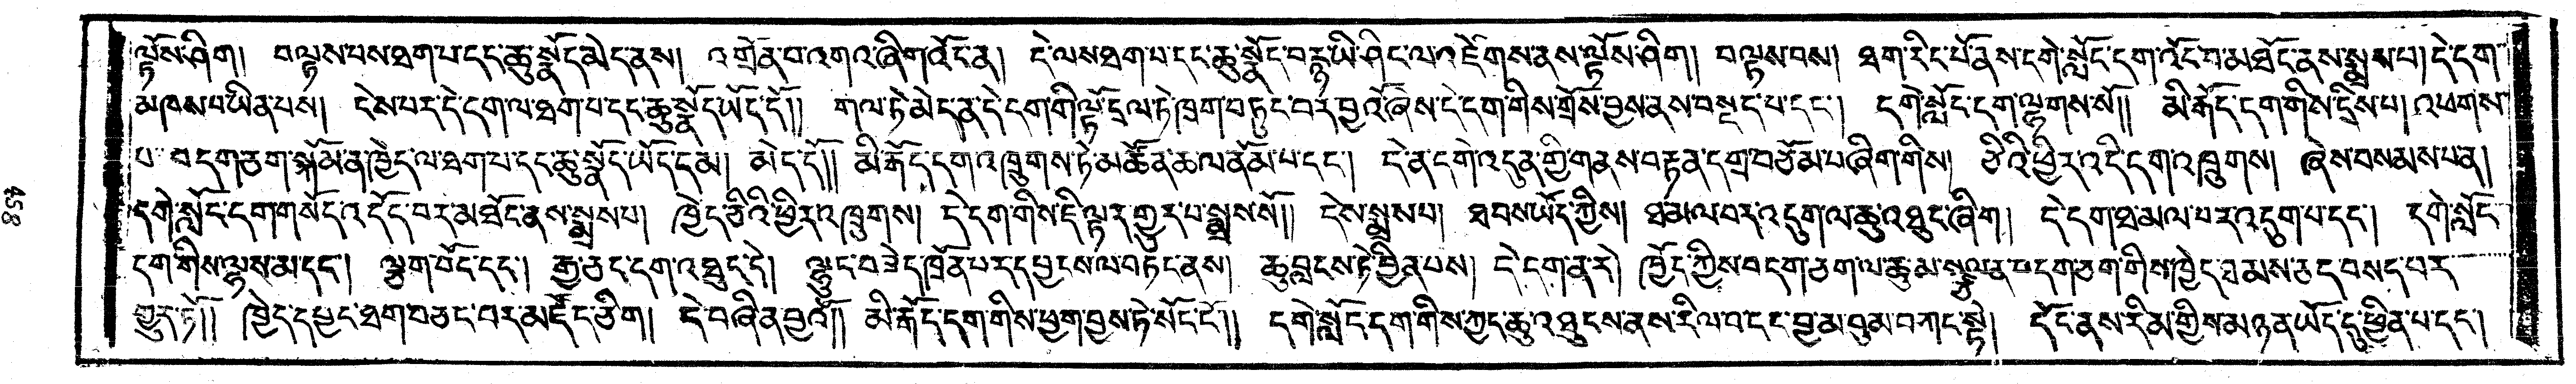ལྟོས་ཤིག །བལྟས་པས་ཐག་པ་དང་ཆུ་སྣོད་མེད་ནས། འགྲོན་པ་འགའ་ཞིག་འོང་ན། དེ་ལས་ཐག་པ་དང་ཆུ་སྣོད་བརྙ་ཡི་ཤིང་ལ་འཛེགས་ནས་ལྟོས་ཤིག། བལྟས་བས། ཐག་རིང་པོ་ནས་དགེ་སློང་དག་འོང་བ་མཐོང་ནས་སྨྲས་པ། དེ་དག་
མཁས་པ་ཡིན་པས། ངེས་པར་དེ་དག་ལ་ཐག་པ་དང་ཆུ་སྣོད་ཡོད་དོ།། གལ་ཏེ་མེད་ན་དེ་དག་གི་ལྟོ་དྲལ་ཏེ་ཁྲག་བཏུང་བར་བྱའོ་ཞེས་དེ་དག་གིས་གྲོས་བྱས་ནས་བསྡད་པ་དང་། དགེ་སློང་དག་ལྷགས་སོ།། མི་རྒོད་དག་གིས་དྲིས་པ། འཕགས་
པཿ བདག་ཅག་སྐོམ་ན་ཁྱེད་ལ་ཐག་པ་དང་ཆུ་སྣོད་ཡོད་དམ། མེད་དོ།། མི་རྒོད་དག་འཁྲུགས་ཏེ་མཚོན་ཆ་ལ་ནོམ་པ་དང་། དེ་ན་དགེ་འདུན་གྱི་གནས་བརྟན་དགྲ་བཅོམ་པ་ཞིག་གིས། ཅིའི་ཕྱིར་འདི་དག་འཁྲུགས། ཞེས་བསམས་པ་ན།
དགེ་སློང་དག་གསོད་འདོད་བར་མཐོང་ནས་སྨྲས་པ། ཁྱེད་ཅིའི་ཕྱིར་འཁྲུགས། དེ་དག་གིས་ཇི་ལྟར་གྱུར་པ་སྨྲས་སོ།། དེས་སྨྲས་པ། ཐབས་ཡོད་ཀྱིས། ཐ་མལ་བར་འདུག་ལ་ཆུ་འཐུང་ཞིག། དེ་དག་ཐ་མལ་བར་འདུག་པ་དང་། དགེ་སློང་
དག་གིས་ལྷས་མ་དང་། ལྕག་བོང་དང་། རྒྱ་ཅད་དག་འཐུང་དེ། ལྷུང་བཟེད་ཁྲོན་པར་དཔྱངས་ལ་བཏང་ནས། ཆུ་བླངས་ཏེ་བྱིན་པས། དེ་དག་ན་རེ། ཁྱོད་ཀྱིས་བདག་ཅག་ལ་ཆུ་མ་སྩལ་ན་བདག་ཅག་གི་ཁྱེད་ཐམས་ཅད་བསད་པར་
གྱུར་ཏོ།། ཁྱེད་དཔྱང་ཐག་བཅད་བར་མཛོད་ཅིག །དེ་བཞིན་བྱའོ། །མི་རྒོད་དག་གིས་ཕྱག་བྱས་ཏེ་སོང་ངོ། །དགེ་སློང་དག་གིས་ཀྱང་ཆུ་འཐུངས་ནས་རིལ་བ་དང་བྱ་མ་བུམ་བཀང་སྟེ། དོང་ནས་རིམ་གྱིས་མཉན་ཡོད་དུ་ཕྱིན་པ་དང་།